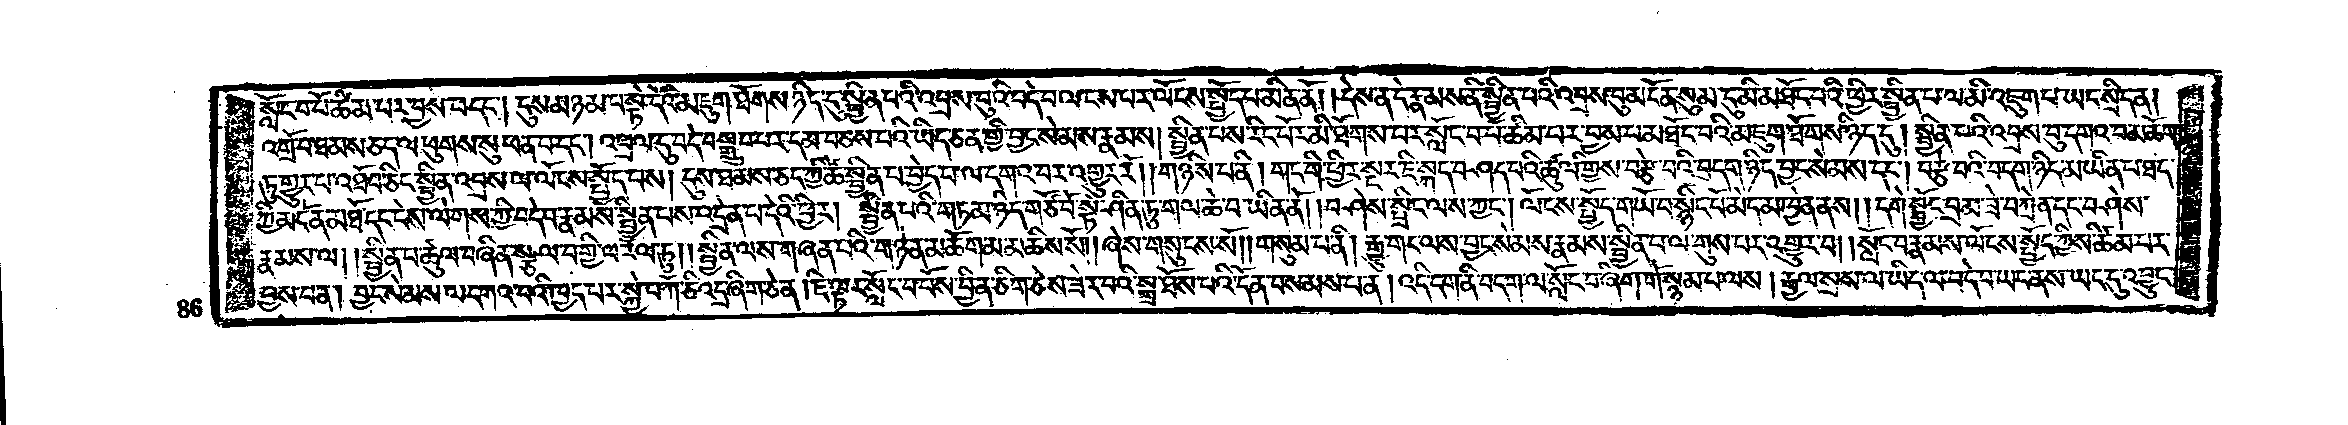ལོང་བ་པོ་ཚིམ་པར་བྱས་པ་དང་། དུས་མཉམ་པ་སྟེ་དེའི་མཇུག་ཐོགས་ཉིད་དུ་སྦྱིན་པའི་འབྲས་བུའི་བདེ་བ་ལ་ངེས་པར་ལོངས་སྤྱོད་པ་མིན་ནོ། །དེས་ན་དེ་རྣམས་ནི་སྦྱིན་པའི་འབྲས་བུ་མངོན་སུམ་དུ་མི་མཐོང་བའི་ཕྱིར་སྦྱིན་པ་ལ་མི་འཇུག་པ་ཡང་སྲིད་ན།
འགྲོ་བ་ཐམས་ཅད་ལ་ཕུགས་སུ་ཕན་པ་དང་། འཕྲལ་དུ་བདེ་བ་སྒྲུབ་པར་དམ་བཅས་པའི་ཡིད་ཅན་གྱི་བྱང་སེམས་རྣམས། སྦྱིན་པས་རིང་པོར་མི་ཐོགས་པར་སློང་བ་པོ་ཚིམ་པར་བྱས་པ་མཐོང་བའི་མཇུག་ཐོགས་ཉིད་དུ། སྦྱིན་པའི་འབྲས་བུ་དགའ་བ་མཆོག་
ཏུ་གྱུར་བ་འཐོབ་ཅིང་སྦྱིན་འབྲས་ལ་ལོངས་སྤྱོད་པས། དུས་ཐམས་ཅད་ཀྱི་ཚེ་སྦྱིན་པ་བྱེད་པ་ལ་དགའ་བར་འགྱུར་རོ། །གཉིས་པ་ནི། གང་གི་ཕྱིར་སྔར་ཇི་སྐད་བཤད་པའི་ཚུལ་གྱིས་བརྩེ་བའི་བདག་ཉིད་བྱང་སེམས་དང་། བརྩེ་བའི་བདག་ཉིད་མ་ཡིན་པ་ཐད་
ཀྱི་མངོན་མཐོ་དང་ངེས་ལེགས་ཀྱི་བདེ་བ་རྣམས་སྦྱིན་པས་འདྲེན་པ་དེའི་ཕྱིར། སྦྱིན་པའི་གཏམ་ཉིད་གཙོ་བོ་སྟེ་ཤིན་ཏུ་གལ་ཆེ་བ་ཡིན་ནོ། །བཤེས་སྤྲིང་ལས་ཀྱང་། ལོངས་སྤྱོད་གཡོ་བ་སྙིང་པོ་མེད་མཁྱེན་ནས། །དགེ་སྦྱོང་བྲམ་ཟེ་བཀྲེན་དང་བཤེས་
རྣམས་ལ། །སྦྱིན་པ་ཚུལ་བཞིན་སྩལ་བགྱི་ཕ་རོལ་ཏུ། །སྦྱིན་ལས་གཞན་པའི་གཉེན་མཆོག་མ་མཆིས་སོ། །ཞེས་གསུངས་སོ། །གསུམ་པ་ནི། རྒྱུ་གང་ལས་བྱང་སེམས་རྣམས་སྦྱིན་པ་ལ་གུས་པར་འགྱུར་བ། །སློང་བ་རྣམས་ལོངས་སྤྱོད་ཀྱིས་ཚིམ་པར་
བྱས་པ་ན། བྱང་སེམས་ལ་དགའ་བའི་ཁྱད་པར་སྐྱེ་བ་ཀོ་ཅི་འདྲ་ཞིག་ཅི་ན། ཇི་ལྟར་སློང་བ་པོས་བྱིན་ཅིག་ཅེས་ཟེར་བའི་སྒྲ་ཐོས་པའི་དོན་བསམས་པ་ན། འདི་དག་ནི་བདག་ལ་སློང་བ་ཞིག་གོ་སྙམ་པ་ལས། རྒྱལ་སྲས་ལ་ཡིད་ལ་བདེ་བ་ཡང་ནས་ཡང་དུ་འབྱུང་